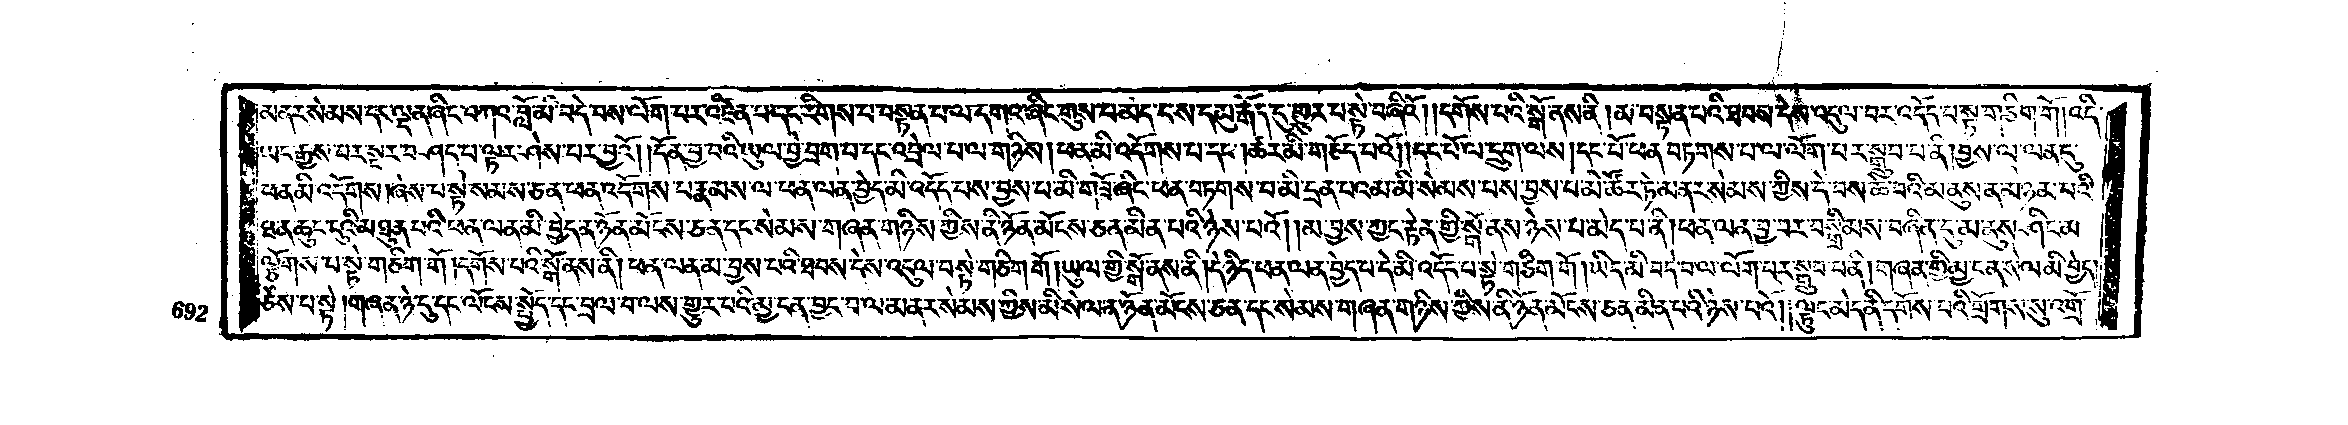མནར་སེམས་དང་ལྡན་ཞིང་བཀའ་བློ་མི་བདེ་བས་ལོག་པར་འཛིན་པ་དང་རིགས་པ་བསྟན་པ་ལ་དགའ་ཞིང་གུས་པ་མེད་པས་དམུ་རྒོད་དུ་གྱུར་པ་སྟེ་བཞིའོ། །དགོས་པའི་སྒོ་ནས་ནི། མ་བསྟན་པའི་ཐབས་དེས་འདུལ་བར་འདོད་པ་སྟ་གཅིག་གོ །འདི་
ཡང་རྒྱས་པར་སྔར་བཤད་པ་ལྟར་ཤེས་པར་བྱའོ། །དོན་བྱ་བའི་ཡུལ་བྱེ་བྲག་པ་དང་འབྲེལ་པ་ལ་གཉིས། ཕན་མི་འདོགས་པ་དང་། ཚར་མི་གཅོད་པའོ། །དང་པོ་ལ་དྲུག་ལས། དང་པོ་ཕན་བཏགས་པ་ལ་ལོག་པར་སྒྲུབ་པ་ནི། བྱས་ལ་ལེན་དུ་
ཕན་མི་འདོགས། ཞེས་པ་སྟེ་སེམས་ཅན་ཕན་འདོགས་པ་རྣམས་ལ་ཕན་ལེན་བྱེད་མི་འདོད་པས་བྱས་པ་མི་གཟོ་ཞིང་ཕན་བཏགས་པ་མི་དྲན་པའམ་མི་སེམས་པས་བྱས་པ་མི་ཚོར་ཏེ་མནར་སེམས་ཀྱིས་དེ་བས་ཆེ་བའི་མ་ནུས་ན་མཉམ་པའི་
ཐ་ན་ཆུང་ངུའི་མཐུན་པའི་ཕན་ལན་མི་བྱེད་ན་ཉོན་མོངས་ཅན་དང་སེམས་གཞན་གཉིས་ཀྱིས་ནི་ཉོན་མོངས་ཅན་མིན་པའི་ཉེས་པའོ། །མ་བྱས་ཀྱང་རྟེན་གྱི་སྒོ་ནས་ཉེས་པ་མེད་པ་ནི། ཕན་ལེན་བྱ་བར་བསྒྲིམས་བཞིན་དུ་མ་ནུས་ཤིང་མ་
ལྕོགས་པ་སྟེ་གཅིག་གོ །དགོས་པའི་སྒོ་ནས་ནི། ཕན་ལེན་མ་བྱས་པའི་ཐབས་དེས་འདུལ་བ་སྟེ་གཅིག་གོ །ཡུལ་གྱི་སྒོ་ནས་ནི། དེ་ཉིད་ཕན་ལན་བྱེད་པ་དེ་མི་འདོད་པ་སྟེ་གཅིག་གོ །ཡིད་མི་བདེ་བ་ལ་ལོག་པར་སྒྲུབ་པ་ནི། གཞན་གྱི་མྱ་ངན་སེལ་མི་བྱེད།
ཅོས་?་པ་སྟེ། གཞན་ཉེ་དུ་དང་ལོངས་སྤྱོད་དང་བྲལ་བ་ལས་གྱུར་པའི་མྱ་ངན་བྱང་བ་ལ་མནར་སེམས་ཀྱིས་མི་སེལ་ན་ཉོན་མོངས་ཅན་དང་སེམས་གཞན་གཉིས་ཀྱིས་ནི་ཉོན་མོངས་ཅན་མིན་པའི་ཉེས་པའོ། །ལྟུང་མེད་ནི་དགོས་པའི་གྲོགས་སུ་འགྲོ་